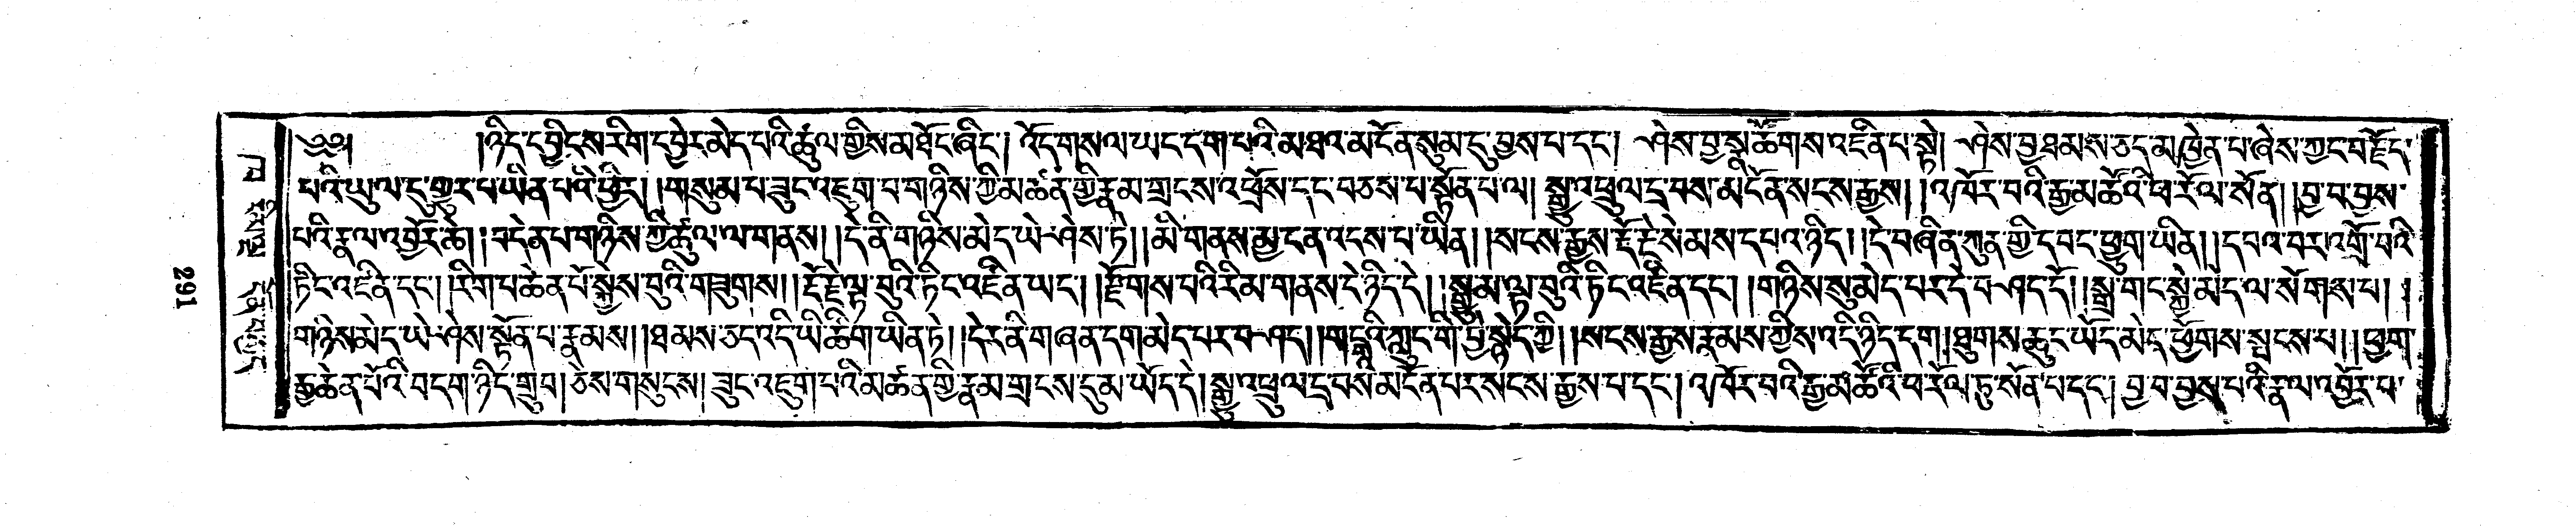༄༅། །ཉིད་དབྱིངས་རིག་དབྱེར་མེད་པའི་ཚུལ་གྱིས་མཐོང་ཞིང་། འོད་གསལ་ཡང་དག་པའི་མཐའ་མངོན་སུམ་དུ་བྱས་པ་དང་། ཤེས་བྱ་སྣ་ཚོགས་འཛིན་པ་སྟེ། ཤེས་བྱ་ཐམས་ཅད་མཁྱེན་པ་ཞེས་ཀྱང་བརྗོད་
པའི་ཡུལ་དུ་གྱུར་པ་ཡིན་པའི་ཕྱིར། །གསུམ་པ་ཟུང་འཇུག་པ་གཉིས་ཀྱི་མཚན་གྱི་རྣམ་གྲངས་འཕྲོས་དང་བཅས་པ་སྟོན་པ་ལ། སྒྱུ་འཕྲུལ་དྲ་བས་མངོན་སངས་རྒྱས། །འཁོར་བའི་རྒྱ་མཚོའི་ཕ་རོལ་སོན། །བྱ་བ་བྱས་
པའི་རྣལ་འབྱོར་ཆེ། །བདེན་པ་གཉིས་ཀྱི་ཚུལ་ལ་གནས། །དེ་ནི་གཉིས་མེད་ཡེ་ཤེས་ཏེ། །མི་གནས་མྱ་ངན་འདས་པ་ཡིན། །སངས་རྒྱས་རྡོ་རྗེ་སེམས་དཔའ་ཉིད། །དེ་བཞིན་ཀུན་གྱི་དབང་ཕྱུག་ཡིན། །དཔའ་བར་འགྲོ་བའི་
ཏིང་འཛིན་དང་། །རིག་པ་ཆེན་པོ་སྐྱེས་བུའི་གཟུགས། །རྡོ་རྗེ་ལྟ་བུའི་ཏིང་འཛིན་ཡང་། །རྫོགས་པའི་རིམ་གནས་དེ་ཉིད་དེ། །སྒྱུ་མ་ལྟ་བུའི་ཏིང་འཛིན་དང་། །གཉིས་སུ་མེད་པར་དེ་བཤད་དོ། །སྒྲ་གང་སྐྱེ་མེད་ལ་སོགས་པ། །
གཉིས་མེད་ཡེ་ཤེས་སྟོན་པ་རྣམས། །ཐམས་ཅད་འདི་ཡི་ཚིག་ཡིན་ཏེ། །དེར་ནི་གཞན་དག་མེད་པར་བཤད། །གངྒཱའི་ཀླུང་གི་བྱེ་སྙེད་ཀྱི། །སངས་རྒྱས་རྣམས་ཀྱིས་འདི་ཉིད་དག །ཐུགས་ཆུང་ཡོད་མེད་ཕྱོགས་སྤངས་པ། །ཕྱག་
རྒྱ་ཆེན་པོའི་བདག་ཉིད་གྲུབ། ཅེས་གསུངས། ཟུང་འཇུག་པའི་མཚན་གྱི་རྣམ་གྲངས་དུ་མ་ཡོད་དེ། སྒྱུ་འཕྲུལ་དྲ་བས་མངོན་པར་སངས་རྒྱས་པ་དང་། འཁོར་བའི་རྒྱ་མཚོའི་ཕ་རོལ་ཏུ་སོན་པ་དང་། བྱ་བ་བྱས་པའི་རྣལ་འབྱོར་པ་